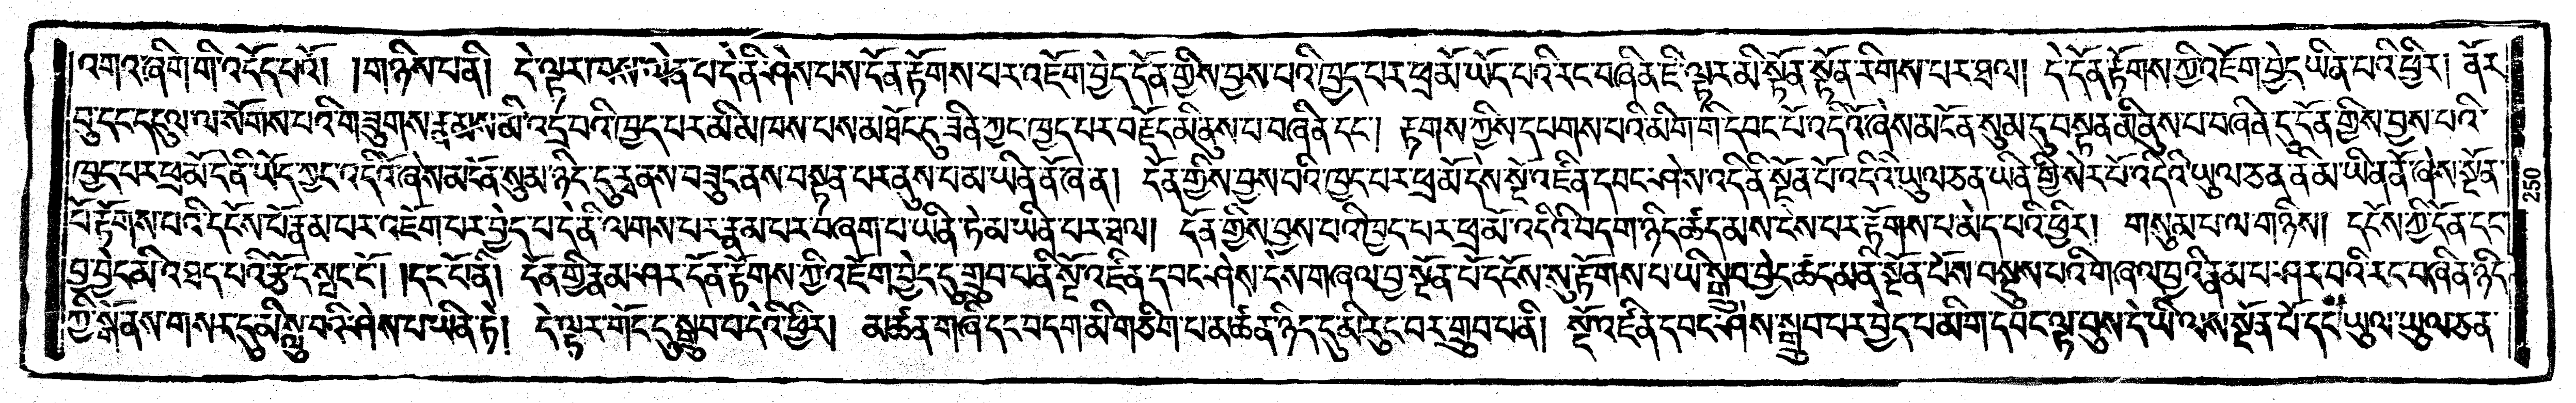འགའ་ཞིག་གི་འདོད་པའོ། །གཉིས་པ་ནི། དེ་ལྟར་ཁས་ལེན་པ་དེ་ནི་ཤེས་པས་དོན་རྟོགས་པར་འཇོག་བྱེད་དོན་གྱིས་བྱས་པའི་ཁྱད་པར་ཕྲ་མོ་ཡོད་པའི་རང་བཞིན་ཇི་ལྟར་མི་སྟོན་སྟོན་རིགས་པར་ཐལ། དེ་དོན་རྟོགས་ཀྱི་འཇོག་བྱེད་ཡིན་པའི་ཕྱིར། ནོར་
བུ་དང་དངུལ་ལ་སོགས་པའི་གཟུགས་རྣམས་མི་འདྲ་བའི་ཁྱད་པར་མི་མཁས་པས་མཐོང་དུ་ཟིན་ཀྱང་ཁྱད་པར་བརྗོད་མི་ནུས་པ་བཞིན་དང་། རྟགས་ཀྱིས་དཔགས་པའི་མིག་གི་དབང་པོ་འདིའོ་ཞེས་མངོན་སུམ་དུ་བསྟན་མི་ནུས་པ་བཞིན་དུ་དོན་གྱིས་བྱས་པའི་
ཁྱད་པར་ཕྲ་མོ་དེ་ནི་ཡོད་ཀྱང་འདིའོ་ཞེས་མངོན་སུམ་ཉིད་དུ་རྭ་ནས་བཟུང་ནས་བསྟན་པར་ནུས་པ་མ་ཡིན་ནོ་ཞེ་ན། དོན་གྱིས་བྱས་པའི་ཁྱད་པར་ཕྲ་མོ་དེས་སྔོ་འཛིན་དབང་ཤེས་འདི་ནི་སྔོན་པོ་འདིའི་ཡུལ་ཅན་ཡིན་གྱི་སེར་པོ་འདིའི་ཡུལ་ཅན་ནི་མ་ཡིན་ནོ་ཞེས་སྔོན་
པོ་རྟོགས་པའི་དངོས་པོ་རྣམ་པར་འཇོག་པར་བྱེད་པ་དེ་ནི་ལགས་པར་རྣམ་པར་བཞག་པ་ཡིན་ཏེ་མ་ཡིན་པར་ཐལ། དོན་གྱིས་བྱས་པའི་ཁྱད་པར་ཕྲ་མོ་འདིའི་བདག་ཉིད་ཚད་མས་ངེས་པར་རྟོགས་པ་མེད་པའི་ཕྱིར། གསུམ་པ་ལ་གཉིས། དངོས་ཀྱི་དོན་དང་
བྱ་བྱེད་མི་འཐད་པའི་རྩོད་སྤང་ངོ། །དང་པོ་ནི། དོན་གྱི་རྣམ་ཤར་དོན་རྟོགས་ཀྱི་འཇོག་བྱེད་དུ་གྲུབ་པ་ནི་སྔོ་འཛིན་དབང་ཤེས་དེས་གཞལ་བྱ་སྔོན་པོ་དངོས་སུ་རྟོགས་པ་ཡི་སྒྲུབ་བྱེད་ཚད་མ་ནི་སྔོན་པོས་བསྡུས་པའི་གཞལ་བྱའི་རྣམ་པ་ཤར་བའི་རང་བཞིན་ཉིད་
ཀྱི་སྒོ་ནས་གསར་དུ་མི་སླུ་བའི་ཤེས་པ་ཡིན་ཏེ། དེ་ལྟར་གོང་དུ་སྒྲུབ་པ་དེའི་ཕྱིར། མཚན་གཞི་དང་བདག་མི་གཅིག་པ་མཚན་ཉིད་དུ་མི་རུང་བར་གྲུབ་པ་ནི། སྔོ་འཛིན་དབང་ཤེས་སྒྲུབ་པར་བྱེད་པ་མིག་དབང་ལྟ་བུས་དེ་ཡི་ལས་སྔོན་པོ་དང་ཡུལ་ཡུལ་ཅན་